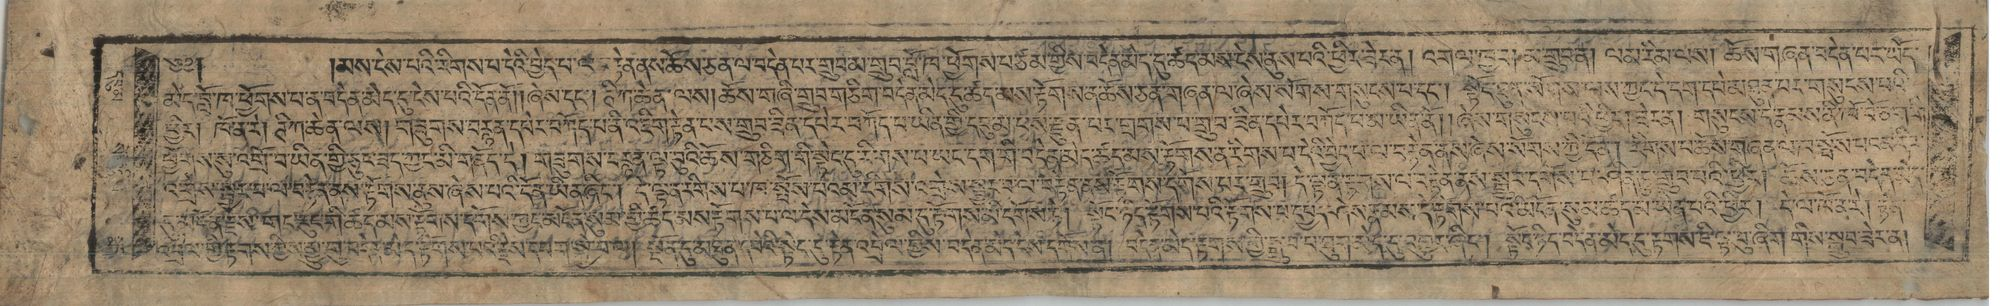༄༅། །མས་ངེས་པའི་རིགས་པ་དེའི་བྱེད་པ་ལ་བརྟེན་ནས་ཆོས་ཅན་ལ་བདེན་པར་གྲུབ་མ་གྲུབ་བློ་ཁ་ཕྱོགས་པ་ཙམ་གྱིས་བདེན་མེད་དུ་ཚད་མས་ངེས་ནུས་པའི་ཕྱིར་ཟེར་ན། འགལ་ཁྱབ། མ་གྲུབ་ན། ལམ་རིམ་ལས། ཆོས་གཞན་བདེན་པར་ཡོད་
མེད་བློ་ཁ་ཕྱོགས་པ་ན་བདེན་མེད་དུ་ངེས་པའི་དོན་ནོ། །ཞེས་དང་། ཊིཀ་ཆེན་ལས། ཆོས་གཞི་གྲུབ་གཅིག་བདེན་མེད་དུ་ཚད་མས་རྟོགས་ན་ཆོས་ཅན་གཞན་ལ་ཞེས་སོགས་གསུངས་པ་དང་། སྟོང་ཐུན་སོགས་ལས་ཀྱང་དེ་དག་དཔེ་མཐུན་པར་གསུངས་པའི་
ཕྱིར། ཁོ་ན་རེ། ཊིཀ་ཆེན་ལས། གཟུགས་བརྙན་དཔེར་བཀོད་པ་ནི་འཇིག་རྟེན་པས་གྲུབ་ཟིན་དཔེར་བཀོད་པ་ཡིན་གྱི་དབུ་མ་པས་རྫུན་པར་གྲགས་པ་གྲུབ་ཟིན་དཔེར་བཀོད་པ་མ་ཡིན་ནོ། །ཞེས་གསུངས་པའི་ཕྱིར། ཟེར་ན། གསུངས་དེ་རྣམས་ནི་ཁོ་བོ་ཅག་གི་
ཕྱོགས་སུ་འགྲོ་བ་ཡིན་གྱི་ཅུང་ཟད་ཀྱང་མི་གནོད་དེ། གཟུགས་བརྙན་ལྟ་བུའི་ཆོས་གཅིག་གི་སྟེང་དུ་རིགས་པ་ཡང་དག་གི་བདེན་མེད་ཚད་མས་རྟོགས་ན་རིགས་པ་དེའི་བྱེད་པ་ལ་བརྟེན་ནས་ཞེས་སོགས་ཀྱི་དོན། རིགས་པ་ཆོས་གཞན་ལ་ཁ་སྤོསྤའམ་རིཌ་
འགྲེས་སྦྱར་བ་ལ་བརྟེན་ནས་རྟོགས་ནུས་ཞེས་པའི་དོན་ཡིན་ཞིང་། དེ་ལྟ་ན་རིགས་པ་ཁ་སྤོས་པའམ་རིགས་འགྲེས་སྦྱར་བ་ལ་བརྟེན་ནས་རྟོགས་དགོས་པར་གྲུབ། དེ་ལྟ་ན་རྟགས་ལ་བརྟེན་ནས་སྒྲུབ་དགོས་པ་ཤིན་ཏུ་གྲུབ་པའི་ཕྱིར། ཆོས་ཅན་བདེན་མེད་
དུ་མངོན་རྗེས་གང་རུང་གི་ཚད་མས་རྟོགས་དགོས་ཀྱང་མངོན་སུམ་གྱི་ཚད་མས་རྟོགས་པ་ལ་དེས་མངོན་སུམ་དུ་རྟོགས་མི་དགོས་ཏེ། སྟོང་ཉིད་རྟོགས་པའི་རྟོགས་?་པ་དཔྱད་ཤེས་རྣམས་དེ་རྟོགས་པའི་མངོན་སུམ་ཚད་མ་ཡིན་པའི་ཕྱིར། དེ་ལ་ཁོ་ན་རེ། རྟེན་
འབྲེལ་གྱི་རྟགས་ཀྱིས་མྱུ་གུ་བདེན་མེད་རྟོགས་པའི་རྗེས་དཔག་སྐྱེ་བ་ལ། སྔོན་དུ་མཐུན་དཔེའི་སྟེང་དུ་རྟེན་འགྲེལ་གྱིས་བདེན་མེད་ངེས་དགོས་ན། བདེན་མེད་རྟགས་ཀྱི་སྒྲུབ་པ་ཐུག་མེད་དུ་འགྱུར་ཞིང་། སྟོང་ཉིད་བདེན་མེད་དུ་རྟགས་ཇི་ལྟ་བུ་ཞིག་གིས་སྒྲུབ་ཟེར་ན།